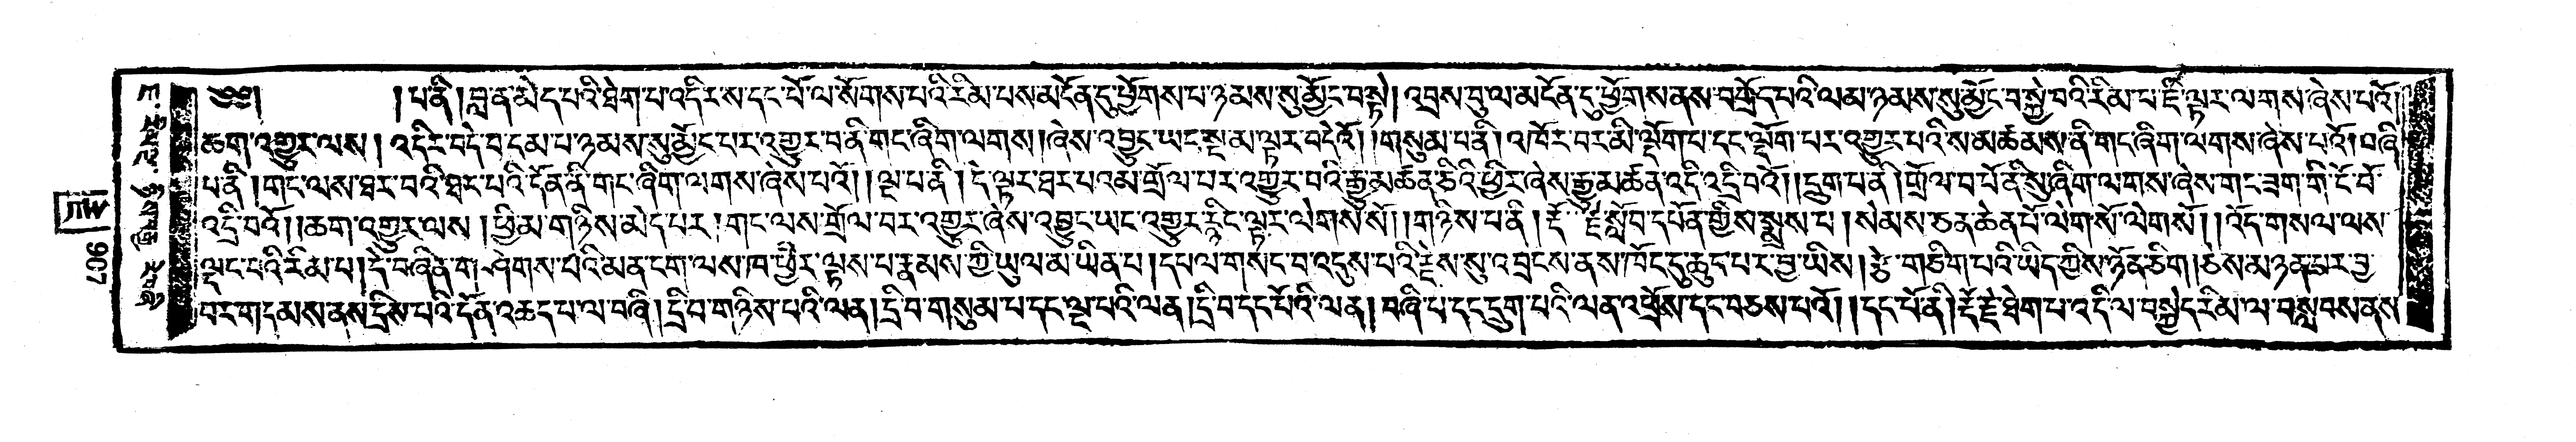༄༅། །པ་ནི། བླ་ན་མེད་པའི་ཐེག་པ་འདིར་ས་དང་པོ་ལ་སོགས་པའི་རིམ་པས་མངོན་དུ་ཕྱོགས་པ་ཉམས་སུ་མྱོང་བ་སྟེ། འབྲས་བུ་ལ་མངོན་དུ་ཕྱོགས་ནས་བགྲོད་པའི་ལམ་ཉམས་སུ་མྱོང་བ་སྐྱེ་བའི་རིམ་པ་ཇི་ལྟར་ལགས་ཞེས་པའོ།
ཆག་འགྱུར་ལས། འདིར་བདེ་བ་དམ་པ་ཉམས་སུ་མྱོང་པར་འགྱུར་བ་ནི་གང་ཞིག་ལགས། ཞེས་འབྱུང་ཡང་སྔ་མ་ལྟར་བདེའོ། །གསུམ་པ་ནི། འཁོར་བར་མི་ལྡོག་པ་དང་ལྡོག་པར་འགྱུར་པའི་ས་མཚམས་ནི་གང་ཞིག་ལགས་ཞེས་པའོ། །བཞི་
པ་ནི། གང་ལས་ཐར་བའི་ཐར་པའི་དོན་ནི་གང་ཞིག་ལགས་ཞེས་པའོ། །ལྔ་པ་ནི། དེ་ལྟར་ཐར་པའམ་གྲོལ་པར་འགྱུར་བའི་རྒྱུ་མཚན་ཅིའི་ཕྱིར་ཞེས་རྒྱུ་མཚན་འདི་འདྲི་བའོ། །དྲུག་པ་ནི། གྲོལ་བ་པོ་ནི་སུ་ཞིག་ལགས་ཞེས་གང་ཟག་གི་ངོ་པོ་
འདྲི་བའོ། །ཆག་འགྱུར་ལས། ཕྱི་མ་གཉིས་མེད་པར། གང་ལས་གྲོལ་བར་འགྱུར་ཞེས་འབྱུང་ཡང་འགྱུར་རྙིང་ལྟར་ལེགས་སོ། །གཉིས་པ་ནི། རྡོ་རྗེ་སློབ་དཔོན་གྱིས་སྨྲས་པ། སེམས་ཅན་ཆེན་པོ་ལེགས་སོ་ལེགས་སོ། །འོད་གསལ་ལས་
ལྡང་བའི་རིམ་པ། དེ་བཞིན་གཤེགས་པའི་མན་ངག་ལས་ཁ་ཕྱིར་ལྟས་པ་རྣམས་ཀྱི་ཡུལ་མ་ཡིན་པ། དཔལ་གསང་བ་འདུས་པའི་རྗེས་སུ་འབྲངས་ནས་ཁོང་དུ་ཆུད་པར་བྱ་ཡིས། རྩེ་གཅིག་པའི་ཡིད་ཀྱིས་ཉོན་ཅིག །ཅེས་མཉན་པར་བྱ་
བར་གདམས་ནས་དྲིས་པའི་དོན་འཆད་པ་ལ་བཞི། དྲི་བ་གཉིས་པའི་ལན། དྲི་བ་གསུམ་པ་དང་ལྔ་པའི་ལན། དྲི་བ་དང་པོའི་ལན། བཞི་པ་དང་དྲུག་པའི་ལན་འཕྲོས་དང་བཅས་པའོ། །དང་པོ་ནི། རྡོ་རྗེ་ཐེག་པ་འདི་ལ་བསྐྱེད་རིམ་ལ་བསླབས་ནས་